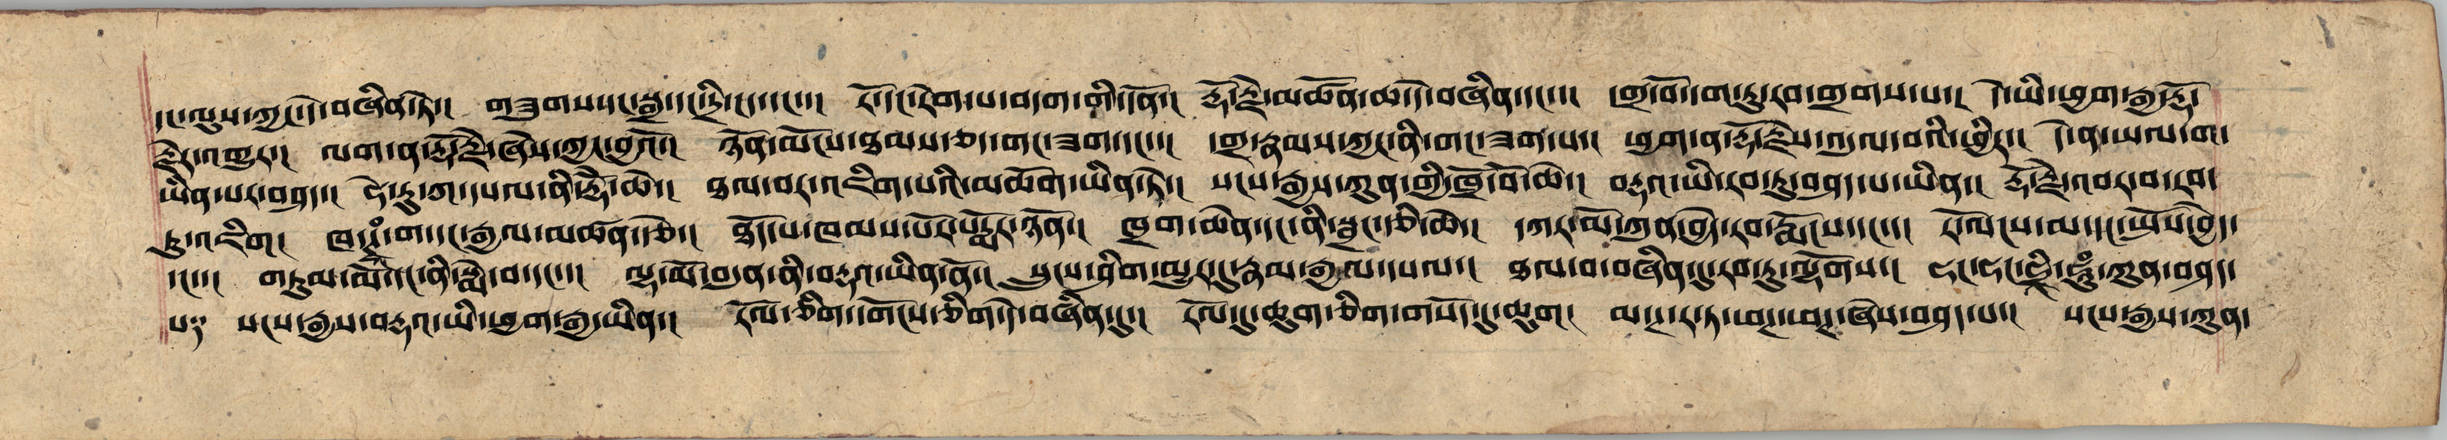དང་ལུས་ཀྱང་དེ་བཞིན་ཏེ་། གཟུགས་དང་སྒྲ་དང་དྲི་ངད་དང་་། རོ་དང་རེག་པ་བདག་གི་དོན་། རྡོ་རྗེ་མཚོན་ཆ་དེ་བཞིན་དང་་། དགྲ་བོ་དག་ཏུ་རབ་གྲགས་པ་། དེ་ཡི་ཕྱག་རྒྱ་རྡོ་
རྗེར་འགྱུར་། ལག་ན་རྡོ་རྗེ་ཞེས་ཀྱང་བྱའོ་། ཉོན་མོངས་ཐམས་ཅད་གང་ཟག་དང་་། དགྲ་རྣམས་ཀྱང་ནི་གང་ཟག་པ་། ཕྱག་ན་རྡོ་རྗེས་འདུལ་བའི་ཕྱིར་། དེ་ན་ཡལ་ག་
ཡིན་པར་བཤད་། ཧེ་རུ་ཀ་དཔལ་ནི་རྡོེ་ཆེ་། ཐལ་བར་འཇིག་པའི་མཆོག་ཡིན་ཏེ་། སངས་རྒྱས་ཀུན་གྱི་ཁྲོ་བོ་ཆེ་། བརྡའ་ཡི་རབ་ཏུ་བཤད་པ་ཡིན་། རྡོ་རྗེ་འབར་བ་རབ་
ཏུ་འཇིག། ཁ་ཊཱཾ་ག་དང་རྒྱལ་མཚན་རྩེ་། ཐོད་པ་ཁམས་པོར་པདྨོར་ཉོན་། ཁྲག་ཆེན་དང་ནི་སྦྲང་རྩི་ཆེ་། དཀར་མོ་ཀུན་བྱེད་རབ་རྨོངས་དང་་། རོ་ལངས་མ་དང་སྤོས་བྱེད་
དང་་། གཏུམ་མོ་དང་ནི་སྨེ་བ་དང་་། ལྷ་མོ་བདུན་ནི་བརྡའ་་ཡིན་ནོ་། སྲུངས་ཤིག་མྱུར་དུ་རྣམ་རྒྱལ་དཔལ་། ཐལ་བ་བཞིན་དུ་རབ་ཏུ་ལྷོགས་། ཧང་ཧང་ཧྲི་ཧཱུཾ་ཀུན་བཤད་
པ༑ སངས་རྒྱས་བརྡའ་ཡི་ཕྱག་རྒྱ་ཡིན་། རོལ་ཅིག་དགོངས་ཅིག་དེ་བཞིན་དུ་། རོལ་དུ་ཆུག་ཅིག་གསོད་དུ་ཆུག། མ་ཊ་ར་ཏ་ཕཊ་ཕཊ་ཞེས་བཤད་པ་། སངས་རྒྱས་ཀུན་